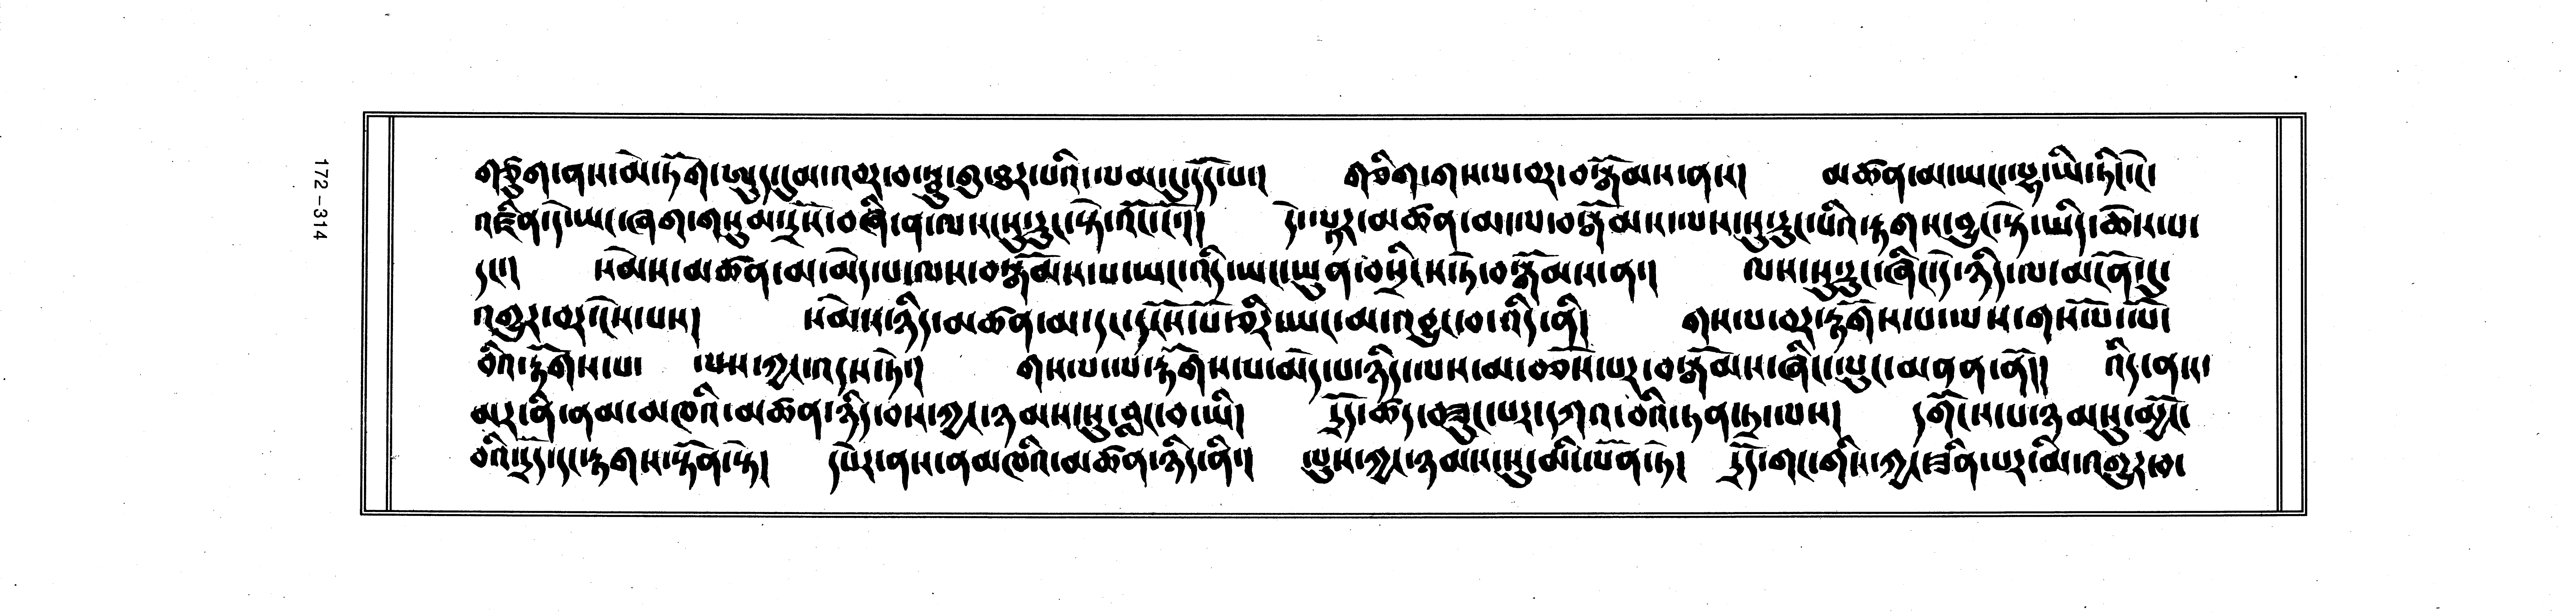གཙུག་ནས་མེ་ཏོག་ཨུད་དུམ་འབར་བ་སྦུ་གུ་ཐར་པའི་ལམ་དུ་དོད་པ། གཅིག་གསལ་བར་བསྒོམས་ནས། མཚན་མ་ཡང་ལྷ་ཡི་ཏིང་ངེ་
འཛིན་དེ་ཡང་ཞག་གསུམ་དྲོས་བཞི་ན་ལས་སུ་རུང་སྟེ་འོང་ངོ་། དེ་ལྟར་མཚན་མ་ལ་བསྒོམས་ལས་སུ་རུང་པའི་རྟགས་བྱུང་སྟེ་ཡིད་ཆེས་པ་
དང་། སེམས་མཚན་མ་མེད་པ་ལས་བསྒོམས་པ་ཡང་འདི་ཡང་ཡུན་བསྲིངས་ཏེ་བསྒོམས་ན། ལས་སུ་རུང་ཞིང་དེ་ཉིད་ལ་མངོན་དུ་
འགྱུར་བར་ངེས་པས། སེམས་ཉིད་མཚན་མ་དང་དངོས་པོ་ཅིར་ཡང་མ་འབྱུང་བ་འདི་ནི། གསལ་བར་རྟོགས་པ་ལས་གསོལ་ལོ་
བའི་རྟོགས་པ་ལས་ཀྱང་འདས་ཏེ། གསལ་ལ་རྟོགས་པ་མེད་པ་ཉིད་ལས་མ་བཅོས་པར་བསྒོམས་ཞིང་ལུང་མནན་ནོ། འདི་ནས་
མར་ནི་ནམ་མཁའི་མཚན་ཉིད་བས་ཀྱང་ཉམས་སུ་བླང་བ་ཡི། དྲོད་ཚད་བཟུང་པར་དཀའ་བའི་ཏན་ཏྲ་ལས། དགོངས་པ་ཉམས་སུ་མྱོང་
བའི་དྲོད་དང་རྟགས་སྟོན་སྟེ། དཔེར་ནས་ནམ་མཁའི་མཚན་ཉིད་ནི། ལུས་ཀྱང་ཉམས་སུ་མི་ལོན་ཏེ། དྲོད་གང་གིས་ཀྱང་ཟིན་པར་མི་འགྱུར་བ་